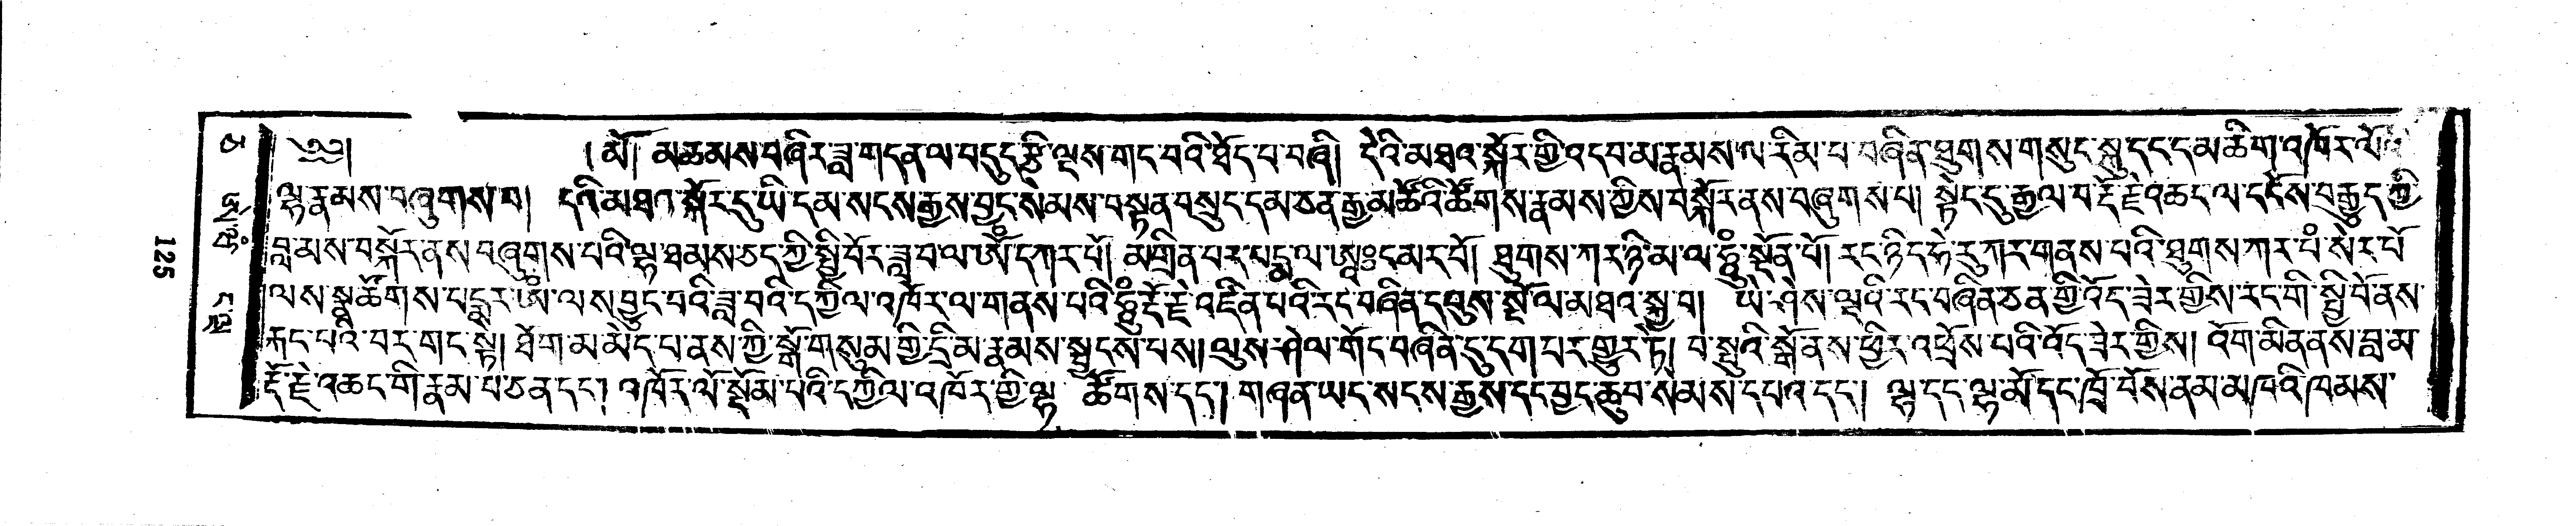༄༅། །མོ༑ མཚམས་བཞིར་ཟླ་གདན་ལ་བདུད་རྩི་ལྔས་གང་བའི་ཐོད་པ་བཞི། དེའི་མཐའ་སྐོར་གྱི་འདབ་མ་རྣམས་ལ་རིམ་པ་བཞིན་ཐུགས་གསུང་སྐུ་དང་དམ་ཚིག་འཁོར་ལོའི་
ལྷ་རྣམས་བཞུགས་པ། དེའི་མཐའ་སྐོར་དུ་ཡི་དམ་སངས་རྒྱས་བྱང་སེམས་བསྟན་བསྲུང་དམ་ཅན་རྒྱ་མཚོའི་ཚོགས་རྣམས་ཀྱིས་བསྐོར་ནས་བཞུགས་པ། སྟེང་དུ་རྒྱལ་བ་རྡོ་རྗེ་འཆང་ལ་དངོས་བརྒྱུད་ཀྱི་
བླ་མས་བསྐོར་ནས་བཞུགས་པའི་ལྷ་ཐམས་ཅད་ཀྱི་སྤྱི་བོར་ཟླ་བ་ལ་ཨོཾ་དཀར་པོ། མགྲིན་པར་པདམ་ལ་ཨཱཿ དམར་པོ། ཐུགས་ཀར་ཉི་མ་ལ་ཧཱུཾ་སྔོན་པོ། རང་ཉིད་ཧེ་རུ་ཀར་གནས་པའི་ཐུགས་ཀར་པཾ་སེར་པོ་
ལས་སྣ་ཚོགས་པདམར་ཨཾ་ལས་བྱུང་བའི་ཟླ་བའི་དཀྱིལ་འཁོར་ལ་གནས་པའི་ཧཱུཾ་རྡོ་རྗེ་འཛིན་པའི་རང་བཞིན་དབུས་སྔོ་ལ་མཐའ་སྐྱ་བ། ཡེ་ཤེས་ལྔའི་རང་བཞིན་ཅན་གྱི་འོད་ཟེར་གྱིས་རང་གི་སྤྱི་བོ་ནས་
རྐང་པའི་བར་གང་སྟེ། ཐོག་མ་མེད་པ་ནས་ཀྱི་སྒོ་གསུམ་གྱི་དྲི་མ་རྣམས་སྤངས་པས། ལུས་ཤེལ་གོང་བཞིན་དུ་དག་པར་གྱུར་ཏེ། བ་སྤུའི་སྒོ་ནས་ཕྱིར་འཕྲོས་པའི་འོད་ཟེར་གྱིས། འོག་མིན་ནས་བླ་མ་
རྡོ་རྗེ་འཆང་གི་རྣམ་པ་ཅན་དང་། འཁོར་ལོ་སྡོམ་པའི་དཀྱིལ་འཁོར་གྱི་ལྷ་ཚོགས་དང་། གཞན་ཡང་སངས་རྒྱས་དང་བྱང་ཆུབ་སེམས་དཔའ་དང་། ལྷ་དང་ལྷ་མོ་དང་ཁྲོ་བོས་ནམ་མཁའི་ཁམས་